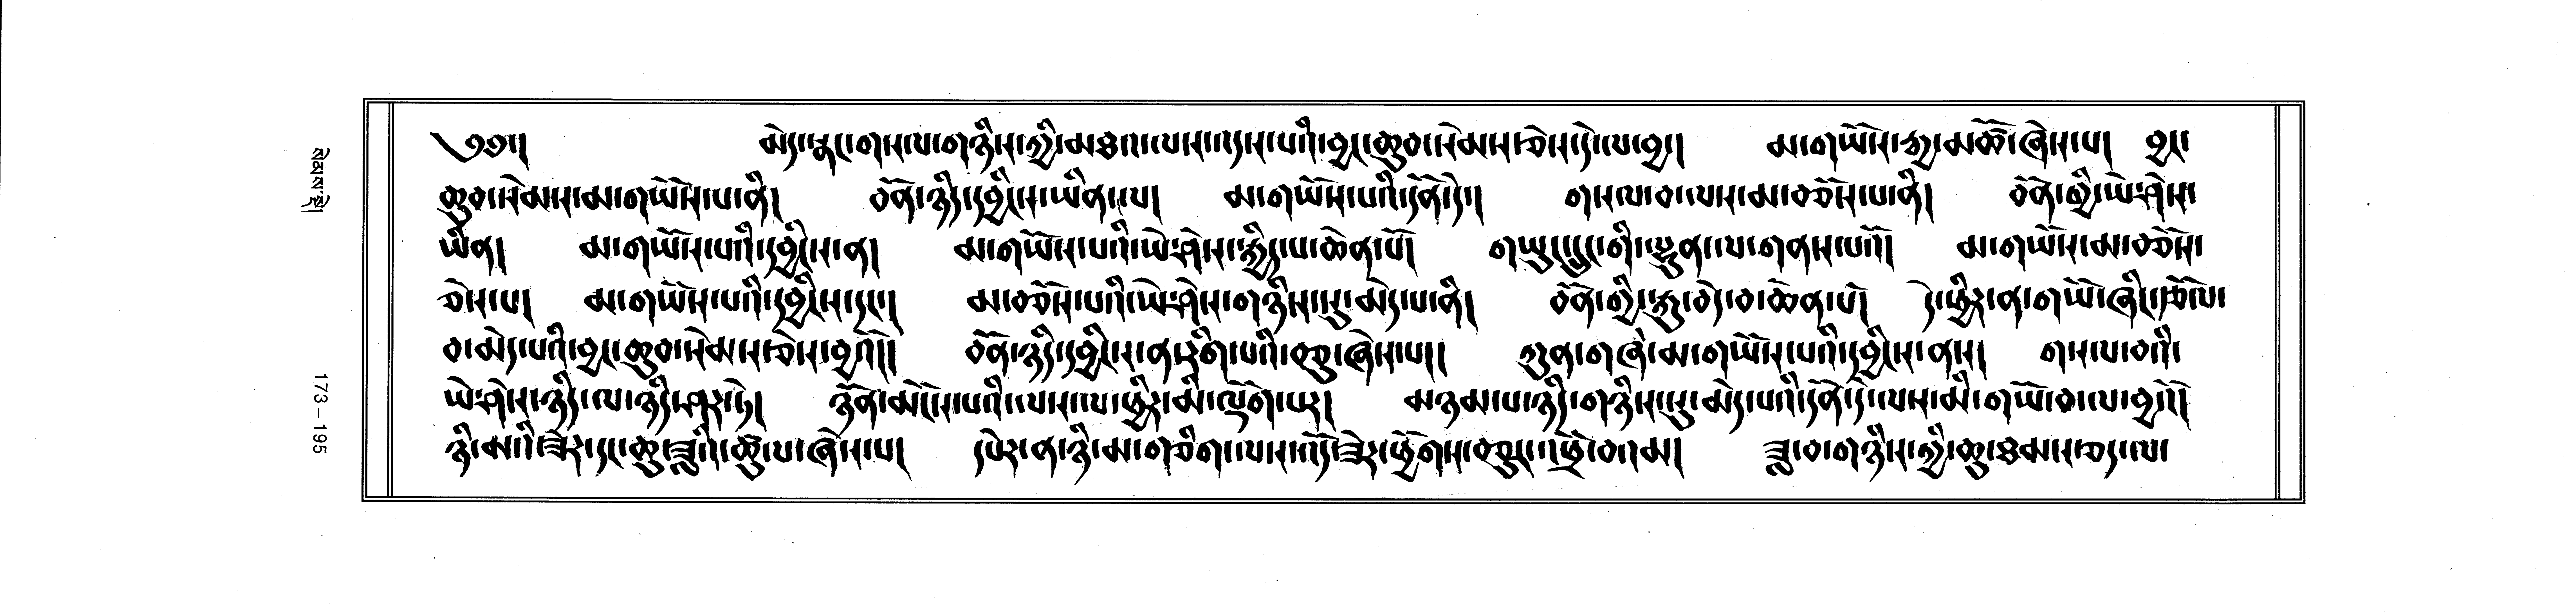མེད་སྣང་གསལ་གཉིས་ཀྱི་མཐའ་ལས་འདས་པའི་བྱང་ཆུབ་སེམས་ཅེས་དེ་ལ་བྱའོ། །མ་གཡོས་རྒྱ་མཚོ་ཞེས་པ། བྱང་
ཆུབ་སེམས་མ་གཡོས་པ་ནི། བོན་ཉིད་དབྱིངས་ཡིན་ལ། མ་གཡོས་པའི་དོན་དེ། གསལ་བ་ལས་མ་བཅོས་པ་ནི། བོན་གྱི་ཡེ་ཤེས་
ཡིན། མ་བཅོས་པའི་ཡེ་ཤེས་སྐྱིད་པ་ཆེན་པོ། གཡུང་དྲུང་གི་ལྷུན་ལ་གནས་པའོ། །མ་གཡོས་མ་བཅོས་
ཅེས་པ། མ་གཡོས་པའི་དབྱིངས་དང་མ་བཅོས་པའི་ཡེ་ཤེས་གཉིས་སུ་མེད་པ་ནི། བོན་གྱི་སྐུ་བདེ་བ་ཆེན་པོ། དེ་ཡི་ཕྱིར་ན་གཡོ་ཞིང་རྩོལ་
བ་མེད་པའི་བྱང་ཆུབ་སེམས་ཅེས་བྱའོ། །བོན་ཉིད་དབྱིངས་ན་རིག་པའི་བཅུ་ཞེས་པ། ཀུན་གཞི་མ་གཡོས་པའི་དབྱིངས་ནས། གསལ་བའི་
ཡེ་ཤེས་ཉིད་ལ་སར་ཏེ། ཉོན་མོངས་པའི་ལས་ལ་ཕྱིར་མི་ལྡོག་པར། མཉམ་པ་ཉིད་གཉིས་སུ་མེད་པའི་དོན་ལས་མི་གཡོ་བ་ལ་བྱའོ། །
ཉི་མའི་ཟེར་དང་ཆུ་ཟླའི་ཚུལ་ཞེས་པ། དཔེར་ན་ཉི་མ་གཅིག་ལས་འོད་ཟེར་ཕྱོགས་བཅུར་འཕྲོ་བའམ། ཟླ་བ་གཉིས་ཀྱི་ཆུ་ཐམས་ཅད་ལ་